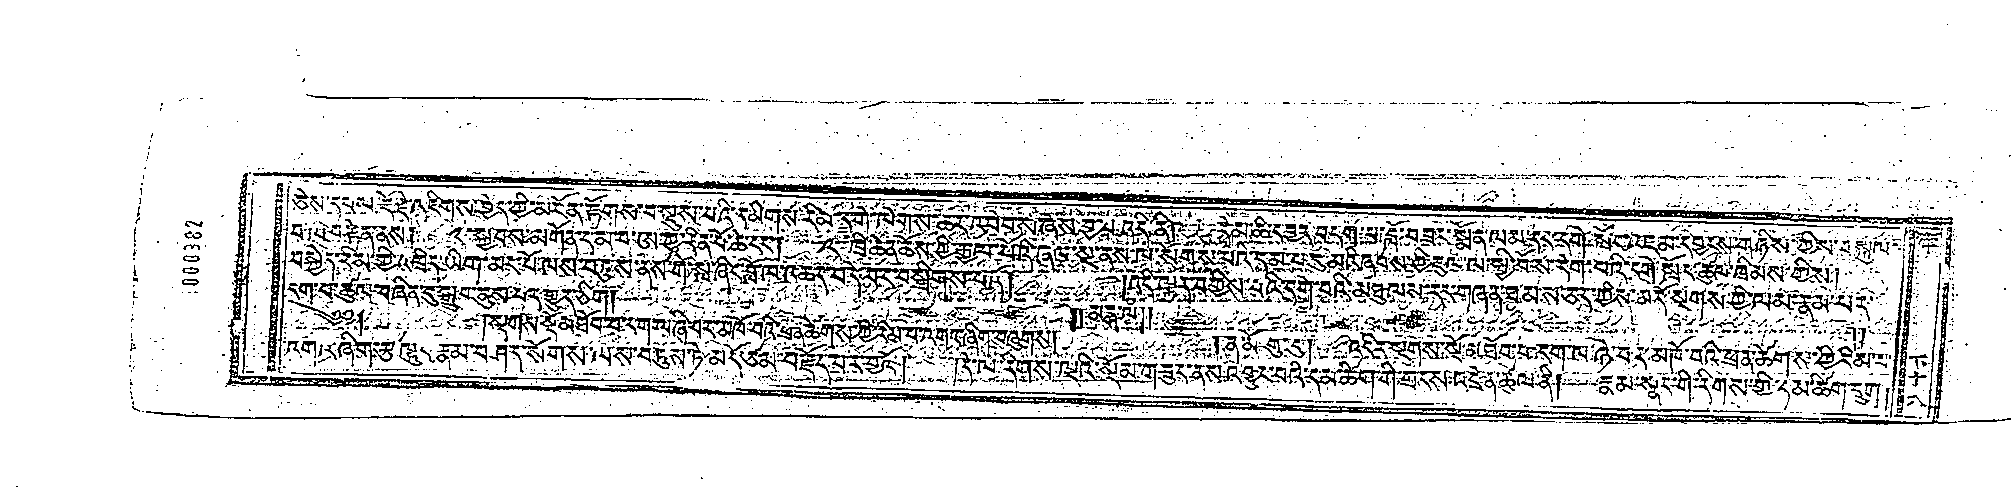ཅེས་དཔལ་རྡོ་རྗེ་འཇིགས་བྱེད་ཀྱི་མངོན་རྟོགས་བསྡུས་པའི་དམིགས་རིམ་དགེ་ལེགས་ཆར་འབེབས་ཞེས་བྱ་བ་འདི་ནི། དེ་མཆི་དབྱར་བདག་པ་བློ་བཟང་སྨོན་ལམ་དང་དགེ་སློང་འཇམ་དབྱངས་གཉིས་ཀྱིས་བསྐུལ་
བ་ལ་བརྟེན་ནས། ༧་སྐྱབས་མགོན་དམ་པ་ཨ་ཀྱཱ་རིན་པོ་ཆེ་དང་། ༧་ཁྲི་ཆེན་ཆོས་ཀྱི་རྒྱལ་པོའི་ཞལ་སྔ་ནས་ལ་སོགས་པའི་དམ་པ་དུ་མའི་ཞབས་ཀྱི་རྡུལ་ལ་སྦྱི་བོས་དགེ་བའི་དགེ་སློང་ཚུལ་ཁྲིམས་ཀྱིས།
བསྐྱེད་རིམ་གྱི་འཁྲིད་ཡིག་མང་པོ་ལས་བཏུས་ནས་གོ་སླ་ཞིང་བློ་ལ་འཆད་བདེ་བར་བསྒྲིགས་པའོ། །འདི་ལྟར་བགྱིས་པའི་དགེ་བའི་མཐུ་ལས་རང་གཞན་ཐམས་ཅད་ཀྱིས་མདོ་སྔགས་ཀྱི་ལམ་རྣམ་པར་
དག་པ་ཚུལ་བཞིན་དུ་སྒྲུབ་ནུས་པར་གྱུར་ཅིག། །།མངྒ་ལཾ།།
༄༅། །སྔགས་སྡོམ་ཐོབ་པ་དག་ལ་ཞི་བར་མཁོ་བའི་ཕྲན་ཚེགས་ཀྱི་རིམ་པ་འགའ་ཞིག་བཞུགས། །ན་མོ་གུ་རུ། འདིར་སྔགས་སྡོམ་ཐོབ་པ་དག་ལ་ཉེ་བར་མཁོ་བའི་ཕྲན་ཚོགས་ཀྱི་རིམ་པ་
འགའ་ཞིག་རྩ་ལྟུང་རྣམ་བཤད་སོགས་ལས་བཏུས་ཏེ་མདོ་ཙམ་བརྗོད་པར་བྱའོ། །དེ་ལ་རིགས་ལྔའི་སྡོམ་གཟུང་ནས་འབྱུང་བའི་དམ་ཚིག་གི་གྲངས་འདྲེན་ཚུལ་ནི། རྣམ་སྣང་གི་རིགས་གྱི་དམ་ཚིག་དྲུག།